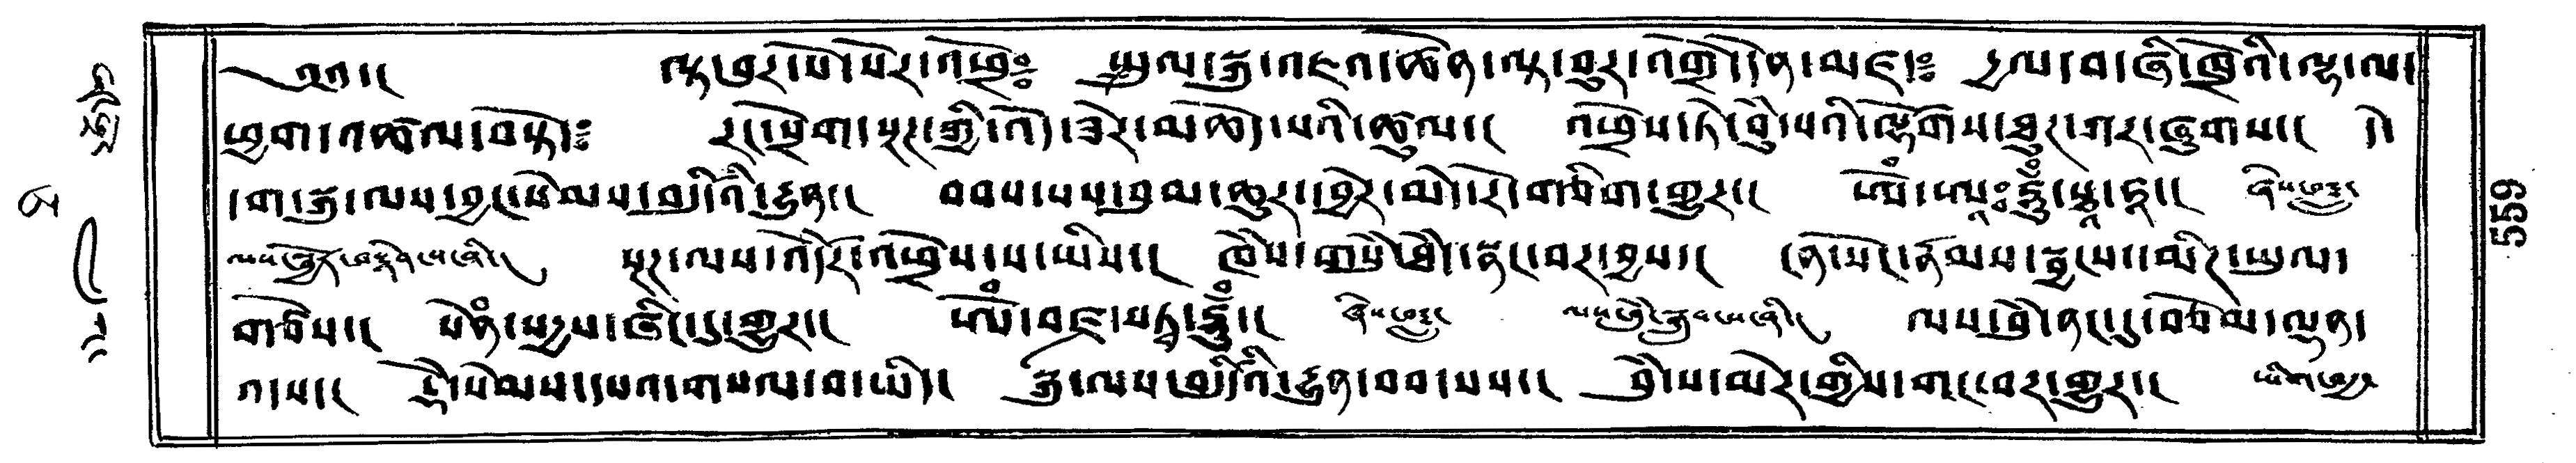ལྟ་བུར་སོ་སོར་འཕྲོ༔ སྤྲུལ་སྐུ་འཇའ་ཚོན་ལྟ་བུར་འགྲོ་དོན་མཛད༔ རྒྱལ་བ་ཞི་ཁྲོའི་ལྷ་ལ་
ཕྱག་འཚལ་བསྟོད༔ རང་སྲོག་ཀྱི་སྔགས་ཀྱི་འོད་ཟེར་མཆོད་པའི་ཚུལ། །འཕྲོས་ཏེ་བུམ་པའི་ལྷ་ཚོགས་ཐུགས་ཀར་ཞུགས། །དེ་
དག་སྐུ་ལས་བྱང་སེམས་བདུད་རྩིའི་རྒྱུན། །བབས་པས་བུམ་ཆུར་དབྱེར་མེད་རོ་གཅིག་གྱུར། ཨོཾ་ཨཱཿཧཱུྃ་སྭ་ཧཱ༔ ཞེས་བཟླ། 
ལས་སྦྱོར་བསྙེན་པ་ནི། སྔགས་ལས་འོད་ཟེར་འཕྲོས་པ་ཡིས། ཁམས་གསུམ་ཐམས་ཅད་སྣང་བར་བྱས། །ངན་སོང་རྣམས་སྦྱངས་དམིགས་ཡུལ་
གཙོས། །སེམས་ཅན་སངས་རྒྱས་ཞིང་དུ་གྱུར། ཨོཾ་བཛྲ་ས་ཏྭ་ཧཱུྃ། ཞེས་བཟླ། ལས་བུམ་སྒྲུབ་པ་ནི། ལས་བུམ་ནང་དུ་བཅོམ་ལྡན་
འདས། །རྡོ་རྗེ་སེམས་དཔའ་གསལ་བ་ཡི། །སྐུ་ལས་བདུད་རྩིའི་རྒྱུན་བབས་པས། །བུམ་པ་མེར་གྱིས་གང་བར་གྱུར། ཡིག་བརྒྱ་